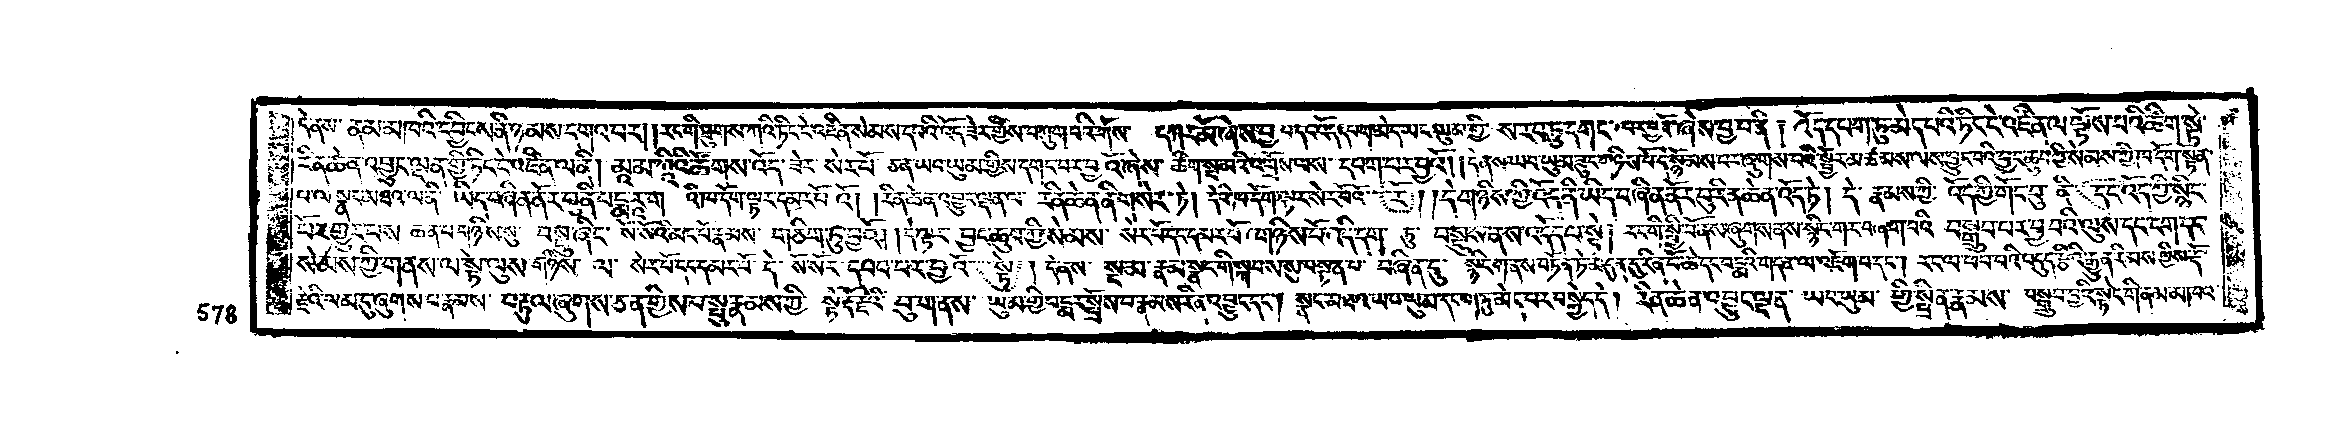དེ་ནས་ནམ་མཁའི་དབྱིངས་ནི་ཉམས་དགའ་བར། ། རང་གི་ཐུགས་ཀའི་ཏིང་ངེ་འཛིན་སེམས་དཔའི་འོད་ཟེར་གྱིས་བཀུག་པའི་གོས་དཀར་མོ་ཞེས་བྱ་བ་དང་འོད་དཔག་མེད་ཡབ་ཡུམ་གྱི་ས་རབ་ཏུ་དགའ་བར་བྱའོ་ཞེས་བྱ་བ་ནི་འོད་དཔག་ཏུ་མེད་པའི་ཏིང་ངེ་འཛིན་ལ་ལྟོས་པའི་ཚིག་སྟེ་
རིན་ཆེན་འབྱུང་ལྡན་གྱི་ཏིང་ངེ་འཛིན་ལ་ནི། མཱ་མ་ཀཱིའི་ཚོགས་འོད་ཟེར་སེར་པོ་ཅན་ཡབ་ཡུམ་གྱིས་དགང་བར་བྱའོ་ཞེས་ཚིག་སྔ་མའི་འགྲོས་ལས་དཔག་པར་བྱའོ། །དེ་ནས་ཡབ་ཡུམ་ཟུང་གཉིས་པོ་དེ་སྙོམས་པར་ཞུགས་པའི་སྦྱོར་མཚམས་ལས་བྱུང་བའི་བྱང་ཆུབ་ཀྱི་སེམས་ཀྱི་ཁ་དོག་སྟོན་
པ་ལ་སྣང་མཐའ་ལ་ནི་ཡིད་བཞིན་ནོར་བུ་ནི་པདམ་རཱ་གའི་ཁ་དོག་ལྟར་དམར་པོའོ། །རིན་ཆེན་འབྱུང་ལྡན་ལ་རིན་ཆེན་ནི་གསེར་ཏེ། དེའི་ཁ་དོག་ལྟར་སེར་པོའོ་རོ། །དེ་གཉིས་ཀྱི་འོད་ནི་ཡིད་བཞིན་ནོར་བུ་རིན་ཆེན་འོད་ཏེ། དེ་རྣམས་ཀྱི་འོད་ཀྱི་གོང་བུ་ནི་དང་འོད་ཀྱི་སྙིང་
པོར་གྱུར་པས་ཆན་པ་གཉིས་སུ་བསྡུ་ཞིང་སོ་སོའི་མང་པོ་རྣམས་གཅིག་ཏུ་བྱའོ། །དེ་ལྟར་བྱང་ཆུབ་ཀྱི་སེམས་སེར་པོ་དང་དམར་པོ་གཉིས་པོ་འདི་དག་ཏུ་བསྡུས་ནས་འདོད་པ་སྟེ། རང་གི་སྤྱི་བོ་ནས་ཞུགས་ནས་སྙིང་གར་བཞག་པའི་བསྒྲུབ་པར་བྱ་བའི་ལུས་དང་ངག་དང་
སེམས་ཀྱི་གནས་ལ་སྟེ་ལུས་གཉིས་ལ་སེར་པོ་དང་དམར་པོ་དེ་སོ་སོར་དབབ་པར་བྱའོ་སྟེ། དེ་ནས་སྔ་མ་རྣམ་སྣང་གི་སྐབས་སུ་བསྟན་པ་བཞིན་དུ་སྙིང་གནས་བཏོན་ཏེ་མདུན་དུ་རིན་པོ་ཆེ་དང་པད་མའི་གདན་ལ་འཇོག་པ་དང་། རང་ལ་ཕབ་པའི་བདུད་རྩིའི་རྒྱུན་རིམས་ཀྱིས་རྡོ་
རྗེའི་ལམ་དུ་ཞུགས་པ་རྣམས་བརྟུལ་ཞུགས་ཅན་གྱིས་བ་སྤུ་རྣམས་ཀྱི་སྟེ་རྡོ་རྗེའི་བུ་གནས་ཡུམ་གྱི་པདམར་སྤྲོས་པ་རྣམས་རིན་འབྱུང་དང་། སྣང་མཐའ་ཡབ་ཡུམ་དཔག་ཏུ་མེད་པར་བསྐྱེད་དེ། རིན་ཆེན་འབྱུང་ལྡན་ཡབ་ཡུམ་གྱི་སྤྲིན་རྣམས་བསྒྲུབ་བྱའི་སྟེང་གི་ནམ་མཁའ་